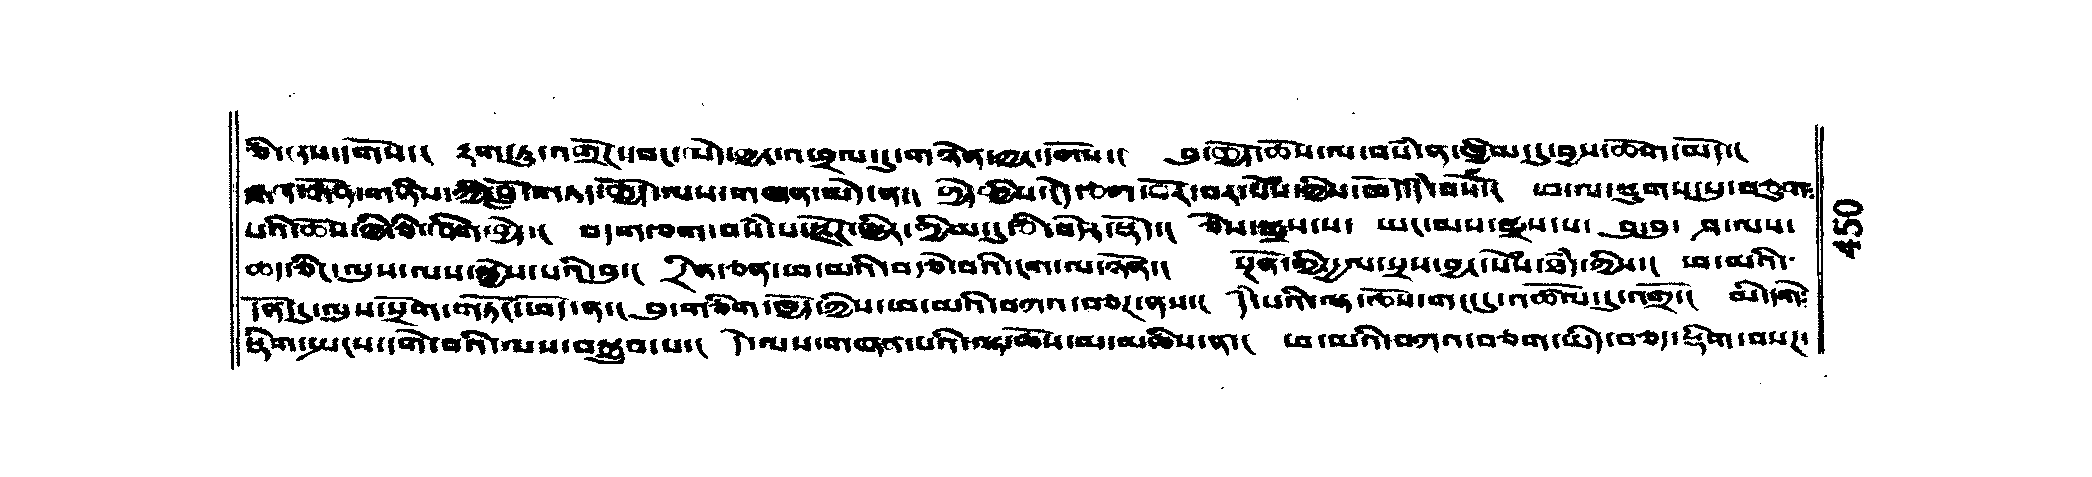ཅི་ནས་དགོས། །རྟག་ཏུ་འགྲོགས་དབང་མེད་ཀྱང་འཕྲལ་དུ་གཉེན་ཀྱང་དགོས། །བུ་ཁྱོད་ཆོས་ལ་བསམ་ན་ཁྱིམ་དུ་བྱས་ཆོག་མོད། །
རྒན་རྒོན་གཉིས་ཀྱི་བློ་གཏད་ཁྱོད་ལས་གཞན་མེད་ན། །ཁྱེད་ཀྱིས་ངེད་ཅག་བོར་བར་སེམས་ཀྱི་ཕོད་དམ་བསམ། །ཕ་མ་སྡུགས་སུ་བཅུག་
པའི་ཆོས་ཀྱི་ཅི་ཞིག་བྱེད། །བདག་ཅག་བསམ་པ་རྫོགས་ཕྱིར་ཁྱིམ་དུ་ཅི་བདེར་སྡོད། ཅེས་སྨྲས་པ། ཡང་མས་སྨྲས་པ། བུ་བུ། ཤ་ལས་
ཆད་ཅིང་ལུས་ལས་སྐྱེས་པའི་བུ། །དྲིན་ཅན་ཕ་མའི་བརྩེ་བའི་ངག་ལ་ཉོན། །སྔོན་གྱི་རྒྱལ་སྲས་བྱང་སེམས་ཐམས་ཅད་ཀྱིས། ཕ་མའི་
དོན་དུ་ལུས་སྲོག་གཏོང་ཕོད་ན། །བུ་གཅིག་ཁྱོད་ཀྱིས་ཕ་མའི་བཀའ་བཅགས་ནས། །དམ་པའི་ལྷ་ཆོས་གང་དུ་འཚོལ་དུ་འགྲོ། །མི་དགེ་
སྡིག་སྤངས་དགེ་བའི་ལས་བསྒྲུབ་པ། །དེ་ལས་གཞན་པའི་ལྷ་ཆོས་མ་མཆིས་ན། །ཕ་མའི་བཀའ་བཅག་ཡིད་བཅད་སྡིག་བསགས་